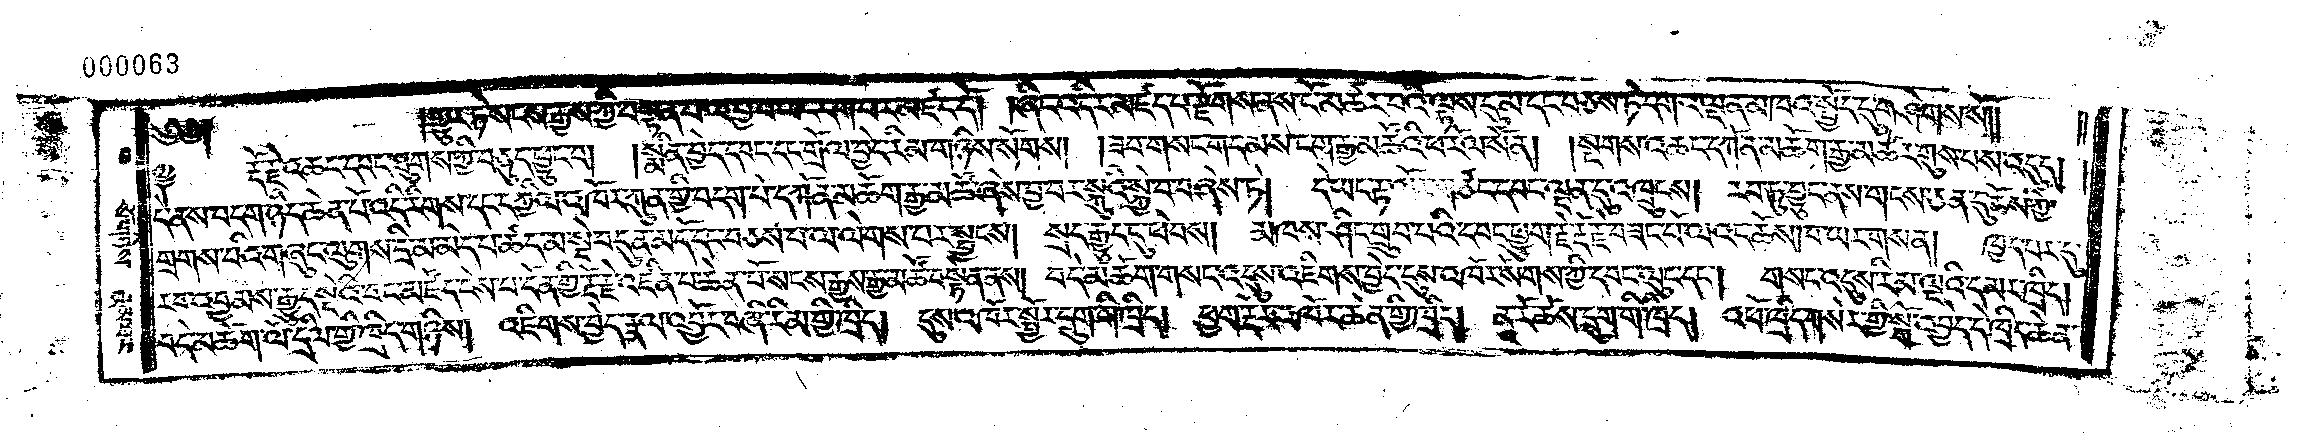༄༅། །གྱུར་ཏེ་སངས་རྒྱས་ཀྱི་བསྟན་པ་ལ་བྱ་བ་ཡང་དག་པར་མཛད་དོ། །ཞིང་འདིར་མཛད་པ་རྫོགས་ནས་ངོ་མཚར་བའི་ལྟས་དུ་མ་དང་བཅས་ཏེ་དགའ་ལྡན་མཁའ་སྤྱོད་དུ་གཤེགས་སོ།། །།
༈ རྡོ་རྗེ་འཆང་དབང་ཐུགས་ཀྱི་བཅུད་ཕྱུང་བ། །སྨིན་བྱེད་དབང་དང་གྲོལ་བྱེད་རིམ་གཉིས་སོགས། །ཟབ་གསང་གདམས་ངག་རྒྱ་མཚོའི་ཕ་རོལ་སོན། །སྔགས་འཆང་དཀོན་མཆོག་རྒྱ་མཚོར་གུས་པས་འདུད། །
དེ་ནས་བདག་ཉིད་ཆེན་པོ་འདི་རིགས་དང་དཀྱིལ་འཁོར་ཀུན་གྱི་བདག་པེ་དཀོན་མཆོག་རྒྱ་མཚོ་ཞེས་བྱ་བར་སྐུའི་སྐྱེ་བ་བཞེས་ཏེ། དེ་ཡང་རྟ་ལོར་གཙང་དབང་ལྡན་དུ་འཁྲུངས། རབ་ཏུ་བྱུང་ནས་གངས་ཅན་དུ་ཆོས་ཀྱི་
གྲགས་པའི་གཞུང་ལུགས་དྲི་མ་མེད་པ་ཚད་མ་སྔེ་བདུན་མདོ་དང་བཅས་པ་ལ་ལེགས་པར་སྦྱངས། སྲང་རྒྱུད་དུ་ཕེབས། མཁས་ཤིང་གྲུབ་པའི་དབང་ཕྱུག་རྗེ་རྡོ་རྗེ་བཟང་པོ་ལའང་ཆོས་ཁ་ཡར་གསན། ཁྱད་པར་དུ་
རབ་འབྱམས་རྒྱུད་སྡེའི་བང་མཛོད་ངེས་པ་དོན་གྱི་རྡོ་རྗེ་འཛིན་པ་ཆེན་པོ་སངས་རྒྱས་རྒྱ་མཚོ་བསྟེན་ནས། བདེ་མཆོག་གསང་འདུས་འཇིགས་བྱེད་དུས་འཁོར་སོགས་ཀྱི་དབང་ལུང་དང་། གསང་འདུས་རིམ་ལྔའི་དམར་ཁྲིད།
བདེ་མཆོག་ལོ་དྲིལ་གྱི་ཁྲིད་གཉིས། འཇིགས་བྱེད་རྣལ་འབྱོར་བཞི་རིམ་གྱི་ཁྲིད། དུས་འཁོར་སྦྱོར་དྲུག་གི་ཁྲིད། ཕྱག་རྡོར་འཁོར་ཆེན་གྱི་ཁྲིད། ནཱ་རོ་ཆོས་དྲུག་གི་ཁྲིད། འཕོ་ཁྲིད་གསེར་གྱི་སྒོ་འབྱེད་དེ་ཁྲིད་ཆེན་